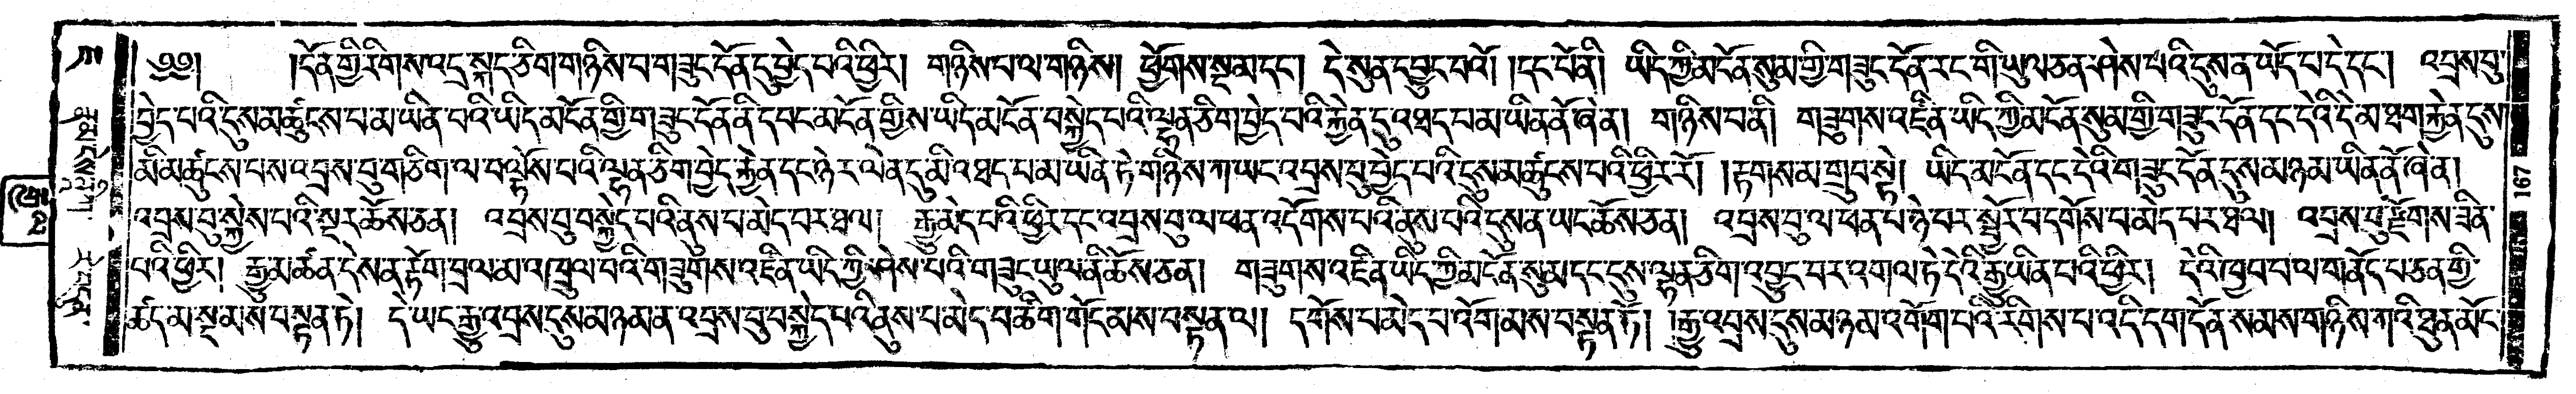༄༅། །དོན་གྱི་རིགས་འདྲ་སྐད་ཅིག་གཉིས་པ་གཟུང་དོན་དུ་བྱེད་པའི་ཕྱིར། གཉིས་པ་ལ་གཉིས། ཕྱོགས་སྔ་མ་དང་། དེ་སུན་དབྱུང་བའོ། །དང་པོ་ནི། ཡིད་ཀྱི་མངོན་སུམ་གྱི་གཟུང་དོན་རང་གི་ཡུལ་ཅན་ཤེས་པའི་དུས་ན་ཡོད་པ་དེ་དང་། འབྲས་བུ་
བྱེད་པའི་དུས་མཚུངས་པ་མ་ཡིན་པའི་ཡིད་མངོན་གྱི་གཟུང་དོན་ནི་དབང་མངོན་གྱིས་ཡིད་མངོན་བསྐྱེད་པའི་ལྷན་ཅིག་བྱེད་པའི་རྐྱེན་དུ་འཐད་པ་མ་ཡིན་ནོ་ཞེ་ན། གཉིས་པ་ནི། གཟུགས་འཛིན་ཡིད་ཀྱི་མངོན་སུམ་གྱི་གཟུང་དོན་དང་དེའི་དེ་མ་ཐག་རྐྱེན་དུས་
མི་མཚུངས་པས་འབྲས་བུ་གཅིག་ལ་བལྟོས་པའི་ལྷན་ཅིག་བྱེད་རྐྱེན་དང་ཉེར་ལེན་དུ་མི་འཐད་པ་མ་ཡིན་ཏེ་གཉིས་ཀ་ཡང་འབྲས་བུ་བྱེད་པའི་དུས་མཚུངས་པའི་ཕྱིར་རོ། །རྟགས་མ་གྲུབ་སྟེ། ཡིད་མངོན་དང་དེའི་གཟུང་དོན་དུས་མཉམ་ཡིན་ནོ་ཞེ་ན།
འབྲས་བུ་སྐྱེས་པའི་སྔར་ཆོས་ཅན། འབྲས་བུ་བསྐྱེད་པའི་ནུས་པ་མེད་པར་ཐལ། རྒྱུ་མེད་པའི་ཕྱིར་དང་འབྲས་བུ་ལ་ཕན་འདོགས་པའི་ནུས་པའི་དུས་ན་ཡང་ཆོས་ཅན། འབྲས་བུ་ལ་ཕན་པ་ཉེ་བར་སྦྱོར་བ་དགོས་པ་མེད་པར་ཐལ། འབྲས་བུ་རྫོགས་ཟིན་
པའི་ཕྱིར། རྒྱུ་མཚན་དེས་ན་རྟོག་བྲལ་མ་འཁྲུལ་བའི་གཟུགས་འཛིན་ཡིད་ཀྱི་ཤེས་པའི་གཟུང་ཡུལ་ནི་ཆོས་ཅན། གཟུགས་འཛིན་ཡིད་ཀྱི་མངོན་སུམ་དང་དུས་ལྷན་ཅིག་འབྱུང་བར་འགལ་ཏེ་དེའི་རྒྱུ་ཡིན་པའི་ཕྱིར། དེའི་ཁྱབ་པ་ལ་གནོད་པ་ཅན་གྱི་
ཚད་མ་སྔ་མས་བསྟན་ཏེ། དེ་ཡང་རྒྱུ་འབྲས་དུས་མཉམ་ན་འབྲས་བུ་བསྐྱེད་པའི་ནུས་པ་མེད་པ་ཚིག་གོང་མས་བསྟན་ལ། དགོས་པ་མེད་པ་འོག་མས་བསྟན་ཏོ། །རྒྱུ་འབྲས་དུས་མཉམ་འགོག་པའི་རིགས་པ་འདི་དག་དོན་སེམས་གཉིས་ཀའི་ཐུན་མོང་